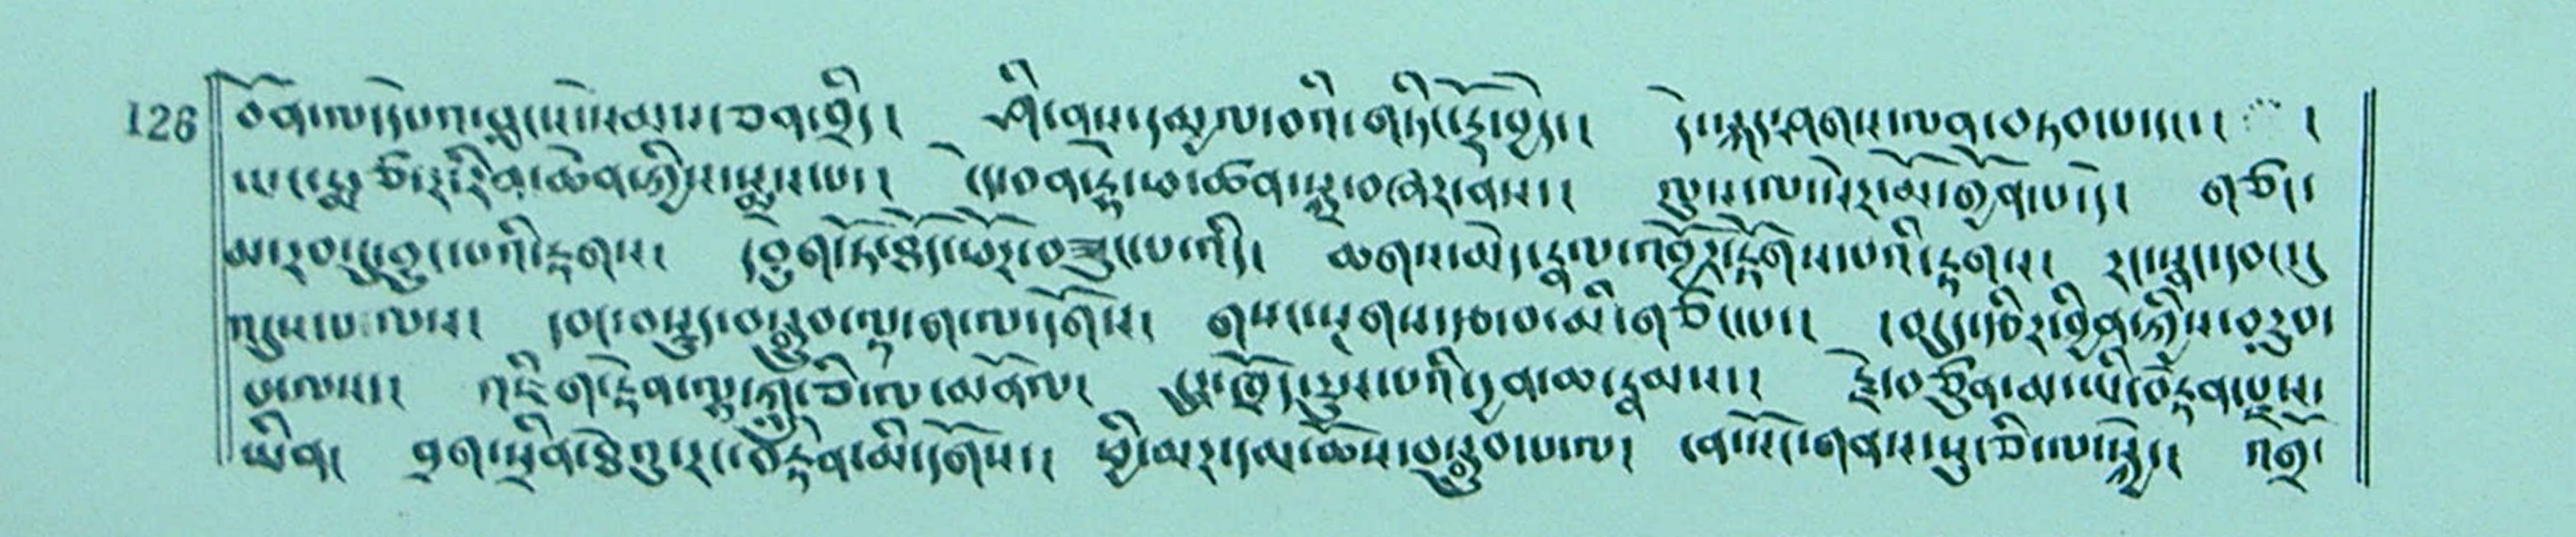བོན་ལ་དཔེའ་བླངས་སེམས་ཅན་བྲིད། ཤི་ནས་དམྱལ་བའི་གཏིང་རྡོ་བྱེད། དེ་སྐད་ཤགས་ལན་བཏབ་པ་དང་།
 ཡང་རྨ་ཨ་ཙ་ར་རིན་ཆེན་གྱིས་སྨྲས་པ། ངེད་བན་དྷེ་ཕ་ཚན་སྐྲ་བཞར་ནས། ལུས་ལ་སེར་པོ་གྱོན་པ་དེ། གཙང་
མ་རབ་ཏུ་བྱུང་བའི་རྟགས། དབྱུག་ཏོ་ཐོད་ཕོར་བཟུང་པ་ནི། ཆགས་མེད་རྣལ་འབྱོར་རྟོགས་པའི་རྟགས། རང་སྣང་དབང་དུ་
འདུས་པ་ལས། དབང་སྡུད་བསྒྲུབ་ལྟ་ག་ལ་དགོས། གསང་སྔགས་རྩ་བ་མི་གཙང་བ། བདུད་རྩིར་བྱིན་གྱིས་བརླབས་
པ་ལས། འཇིག་རྟེན་ལྷ་ཀླུ་ཅི་ལ་མནོལ། དུར་ཁྲོད་རུས་པའི་རྒྱན་ཆ་རྣམས། རྗེ་བཙུན་མ་ཡི་རྟེན་རྫས་
ཡིན། བྲག་སྲིན་ཐེའུ་རང་བསྟེན་མི་དགོས། ཕྱི་མར་དམ་ཆོས་བསྒྲུབ་པ་ལ། ངན་སོང་གནས་སུ་ཅི་ལ་སྐྱེ། འགྲོ་